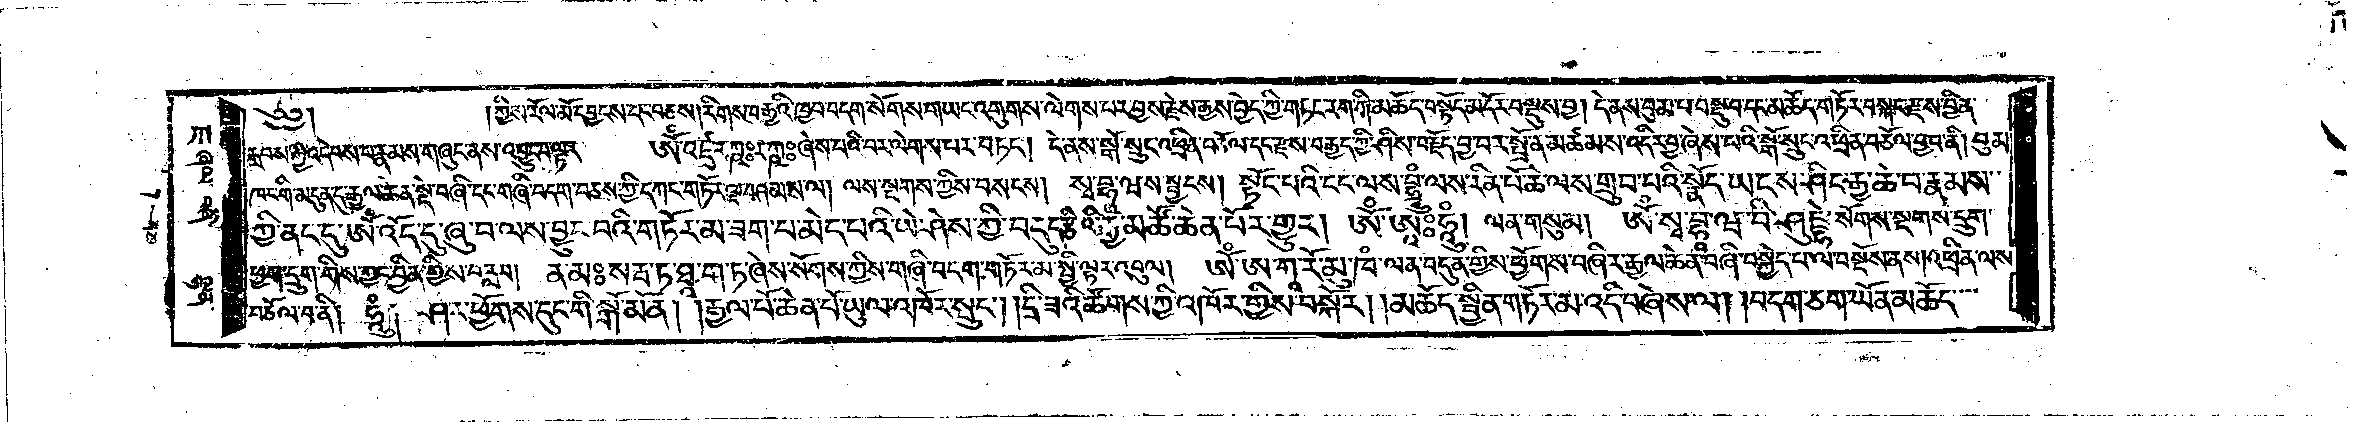༄༅། །ཀྱིས་རོལ་མོ་དབྱངས་དང་བཅས། རིགས་བརྒྱའི་ཁྱབ་བདག་སོགས་གཡང་འགུགས་ལེགས་པར་བྱས་རྗེས་རྒྱས་བྱེད་ཀྱི་གཏང་རག་གི་མཆོད་བསྟོད་མདོར་བསྡུས་བྱ། དེ་ནས་བུམ་པ་བསྡུས་དང་མཆོད་གཏོར་བསྐང་རྫས་བྱིན་
རླབས་རྒྱ་འདེབས་པ་རྣམས་གཞུང་ནས་འབྱུང་བ་ལྟར་ཨོཾ་བཛྲ་རཀྵཿརཀྵཿ ཞེས་པའི་བར་ལེགས་པར་བཏང་། དེ་ནས་སྒོ་སྲུང་འཕྲིན་བཅོལ་དང་རྫས་བརྒྱད་ཀྱི་ཤིས་བརྗོད་བྱ་བར་སྤྲོ་ན་མཚམས་འདིར་བྱ་ཞེས་པའི་སྒོ་སྲུང་འཕྲིན་བཅོལ་བྱ་བ་ནི། བུམ་
ཁང་གི་མདུན་དུ་རྒྱལ་ཆེན་སྡེ་བཞི་དང་གཞི་བདག་བཅས་ཀྱི་དཀར་གཏོར་ལྔ་བཤམས་ལ། ལས་སྔགས་ཀྱིས་བསངས། སྭ་བྷཱ་ཝ་ས་སྦྱངས།  སྟོང་པའི་ངང་ལས་བྷྲཱུཾ་ལས་རིན་པོ་ཆེ་ལས་གྲུབ་པའི་སྣོད་ཡངས་ཤིང་རྒྱ་ཆེ་བ་རྣམས་
ཀྱི་ནང་དུ་ཨོཾ་འོད་དུ་ཞུ་བ་ལས་བྱུང་བའི་གཏོར་མ་ཟག་པ་མེད་པའི་ཡེ་ཤེས་ཀྱི་བདུད་རྩིའི་རྒྱ་མཚོ་ཆེན་པོར་གྱུར། ཨོཾ་ཨཱཿཧཱུཾ། ལན་གསུམ།  ཨོཾ་སྭ་བྷཱ་ཝ་བི་ཤུདྡྷེ་སོགས་སྔགས་དྲུག་
ཕྱག་དྲུག་གིས་ཀྱང་བྱིན་གྱིས་བརླབ། ན་མཿསརྦ་ཏ་ཐཱ་ག་ཏ་ཞེས་སོགས་ཀྱིས་གཞི་བདག་གཏོར་མ་སྤྱི་ལྟར་འབུལ།  ཨོཾ་ཨ་ཀཱ་རོ་མུ་ཁཾ་ལན་བདུན་གྱིས་ཕྱོགས་བཞིར་རྒྱལ་ཆེན་བཞི་བསྐྱེད་པ་ལ་བསྡོས་ནས། འཕྲིན་ལས་
བཅོལ་བ་ནི། ཧཱུཾ༑ ཤར་ཕྱོགས་དུང་གི་སྒོ་མོན། །རྒྱལ་པོ་ཆེན་པོ་ཡུལ་འཁོར་སྲུང་། །དྲི་ཟའི་ཚོགས་ཀྱི་འཁོར་གྱིས་བསྐོར། །མཆོད་སྦྱིན་གཏོར་མ་འདི་བཞེས་ལ། །བདག་ཅག་ཡོན་མཆོད་